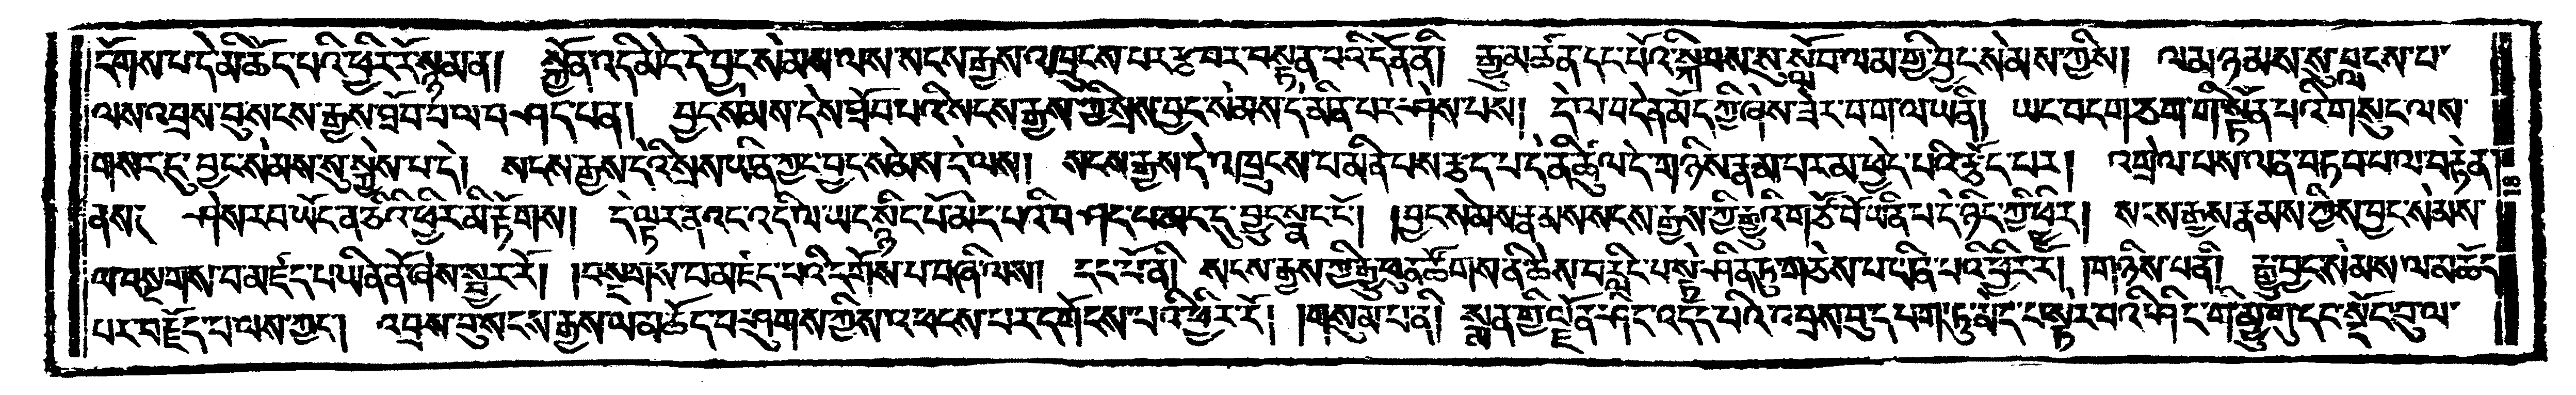དོགས་པ་དེ་མི་ཆོད་པའི་ཕྱིར་རོ་སྙམ་ན། སྐྱོན་འདི་མེད་དེ་བྱང་སེམས་ལས་སངས་རྒྱས་འཁྲུངས་པར་རྩ་བར་བསྟན་པའི་དོན་ནི། རྒྱུ་མཚན་དང་པོའི་སྐབས་སུ་སློབ་ལམ་གྱི་བྱང་སེམས་ཀྱིས། ལམ་ཉམས་སུ་བླངས་པ་
ལས་འབྲས་བུ་སངས་རྒྱས་ཐོབ་པ་ལ་བཤད་པ་ན། བྱང་སེམས་དེས་ཐོབ་པའི་སངས་རྒྱས་ཀྱི་སྲས་བྱང་སེམས་དེ་མིན་པར་ཤེས་པས། དེ་ལ་བདེན་མོད་ཀྱི་ཞེས་ཟེར་བ་ག་ལ་ཡིན། ཡང་བདག་ཅག་གི་སྟོན་པའི་གསུང་ལས་
གསར་དུ་བྱང་སེམས་སུ་སྐྱེས་པ་དེ། སངས་རྒྱས་དེའི་སྲས་ཡིན་ཀྱང་བྱང་སེམས་དེ་ལས། སངས་རྒྱས་དེ་འཁྲུངས་པ་མིན་པས་རྩོད་པ་དེ་ནི་ཚུལ་དེ་གཉིས་རྣམ་པར་མ་ཕྱེད་པའི་རྩོད་པར། འགྲེལ་པས་ལན་བཏབ་པ་ལ་བརྟེན་
ནས། ཤེས་རབ་ཡོད་ན་ཅིའི་ཕྱིར་མི་རྟོགས། དེ་ལྟར་ནའང་འདི་ལ་ཡང་སྙིང་པོ་མེད་པའི་བཤད་པ་མང་དུ་བྱུང་སྣང་ངོ། །བྱང་སེམས་རྣམས་སངས་རྒྱས་ཀྱི་རྒྱུའི་གཙོ་བོ་ཡིན་པ་དེ་ཉིད་ཀྱི་ཕྱིར། སངས་རྒྱས་རྣམས་ཀྱིས་བྱང་སེམས་
ལ་བསྔགས་པ་མཛད་པ་ཡིན་ནོ་ཞེས་སྦྱར་རོ། །བསྔགས་པ་མཛད་པའི་དགོས་པ་བཞི་ལས། དང་པོ་ནི། སངས་རྒྱས་ཀྱི་རྒྱུ་ཕུན་ཚོགས་ནི་ཆེས་བརླིང་བ་སྟེ་ཤིན་ཏུ་གཅེས་པ་ཡིན་པའི་ཕྱིར་རོ། །གཉིས་པ་ནི། རྒྱུ་བྱང་སེམས་ལ་མཆོད་
པར་བརྗོད་པ་ལས་ཀྱང་། འབྲས་བུ་སངས་རྒྱས་ལ་མཆོད་པ་ཤུགས་ཀྱིས་འཕངས་པར་དགོངས་པའི་ཕྱིར་རོ། །གསུམ་པ་ནི། སྨན་གྱི་ལྗོན་ཤིང་འདོད་པའི་འབྲས་བུ་དཔག་ཏུ་མེད་པ་སྟེར་བའི་ཤིང་གི་མྱུ་གུ་དང་སྡོང་བུ་ལ་